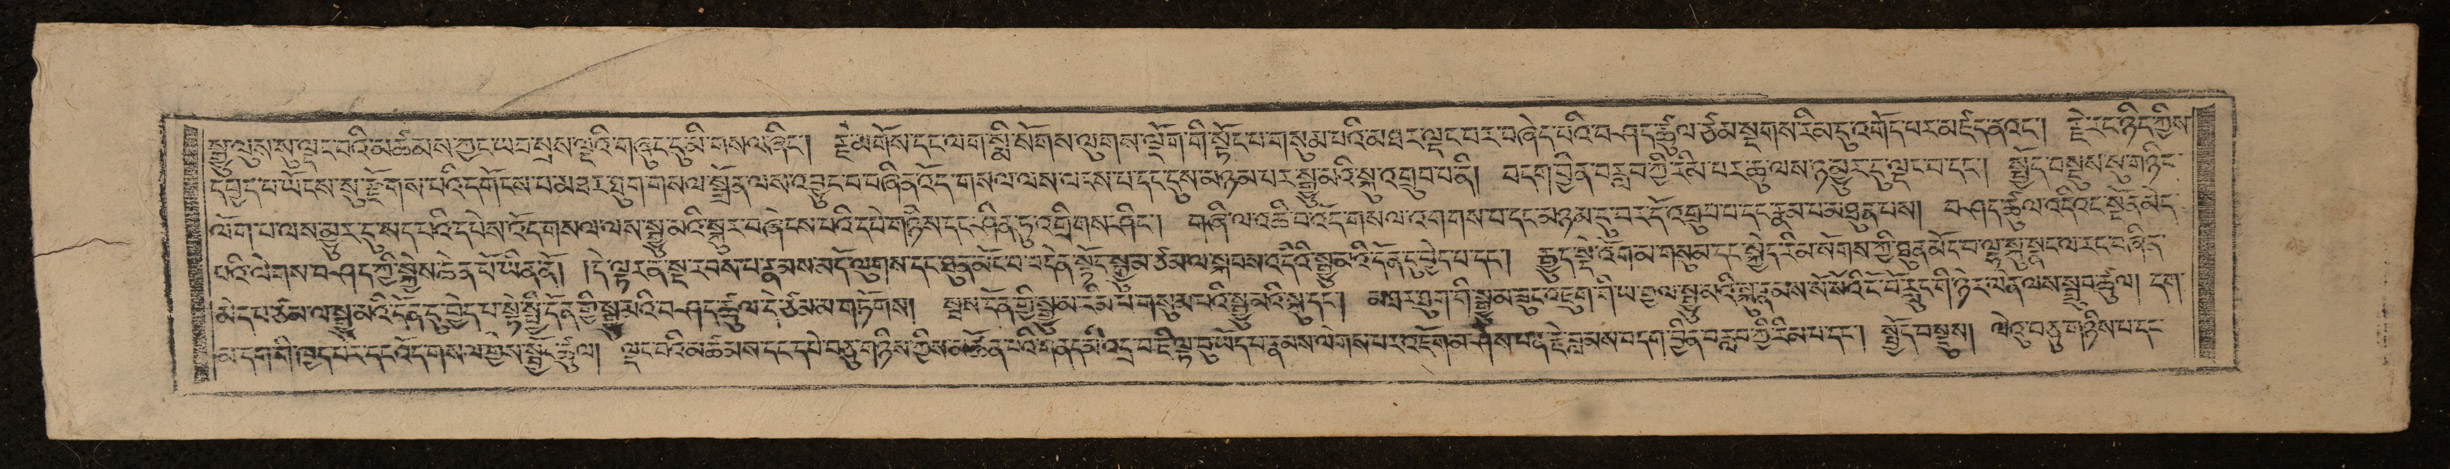སྒྱུ་ལུས་སུ་ལྡང་བའི་མཚམས་ཀྱང་ཡབ་སྲས་ལྔའི་གཞུང་དུ་མི་གསལ་ཞིང་། རྗེ་མགོས་དང་ལག་སྨི་སོགས་ལུགས་ལྡོག་གི་སྟོང་པ་གསུམ་པའི་མཐར་ལྡང་བར་བཞེད་པའི་བཤད་ཚུལ་ཙམ་སྔགས་རིམ་དུ་འགོད་པར་མཛད་ནའང་། རྗེ་རང་ཉིད་ཀྱིས་
དཔྱད་པ་ཡོངས་སུ་རྫོགས་པའི་དགོངས་པ་མཐར་ཐག་གསལ་སྒྲོན་ལས་འབྱུང་བ་བཞིན་འོད་གསལ་ལས་ལངས་པ་དང་དུས་མཉམ་པར་སྒྱུ་མའི་སྐུ་འགྲུབ་པ་ནི། བདག་བྱིན་བརླབ་ཀྱི་རིམ་པར་ཆུ་ལས་ཉ་མྱུར་དུ་ལྡན་བ་དང་། སྤྱོད་བསྡུས་སུ་གཉིད་
ལོག་པ་ལས་མྱུར་དུ་སད་པའི་དཔེས་འོད་གསལ་ལས་སྒྱུ་མའི་སྐུར་བཞེངས་པའི་དཔེ་གཉིས་དང་ཤིན་ཏུ་འགྲིགས་ཤིང་། བཞི་ལ་འཆི་བ་འོད་གསལ་འགགས་པ་དང་མཉམ་དུ་བར་དོ་འགྲུབ་པ་དང་རྣམ་པ་མཐུན་པས། བཤད་ཚུལ་འདིའང་སྔོན་མེད་
བའི་ལེགས་བཤད་ཀྱི་སྐྱེས་ཆེན་པོ་ཡིན་ནོ། །དེ་ལྟར་ན་སྔར་བས་བ་རྣམས་མདོ་ལུགས་དང་ཐུན་མོང་བ་བདེན་སྟོང་སྒྱུ་མ་ཙམ་ལ་སྐབས་འདིའི་སྒྱུ་མའི་དོན་དུ་བྱེད་པ་དང་། རྒྱུད་སྡེ་འོག་མ་གསུམ་དང་བསྐྱེད་རིམ་སོགས་ཀྱི་ཐུན་མོང་པ་ལྷ་སྐུ་སྣང་ལ་རང་བཞིན་
མེད་པ་ཙམ་ལ་སྒྱུ་མའི་དོན་དུ་བྱེད་པ་སྟེ་སྤྱི་དོན་གྱི་སྒྱུ་མའི་བཤད་ཚུལ་དེ་ཙམ་མ་གཏོགས། སྦས་དོན་གྱི་སྒྱུ་མ་རིམ་པ་གསུམ་པའི་སྒྱུ་མའི་སྐུ་དང་། མཐར་ཐུག་གི་སྒྱུ་མ་ཟུང་འཇུག་གི་ཡ་གྱལ་སྒྱུ་མའི་སྐུ་རྣམས་སོ་སོའི་ངོ་བོ་རླུང་གི་ཉེར་ལེན་ལས་སྒྲུབ་ཆུལ། དག་
མ་དག་གི་ཁྱད་པར་དང་འོད་གསལ་གྱིས་སྤྱོད་ཚུལ། ལྡང་བའི་མཚམས་དང་དཔེ་བཅུ་གཉིས་ཀྱིས་མཚོན་བའི་གནད་མི་འདྲ་བ་ཇི་ལྟ་བུ་ཡོད་པ་རྣམས་ལེགས་པར་འཇོག་མ་ཤེས་པ་ན་རྗེ་བླ་མས་བདག་བྱིན་བརླབ་ཀྱི་རིམ་པ་དང་། སྤྱོད་བསྡུས། ལེའུ་བཅུ་གཉིས་པ་དང་